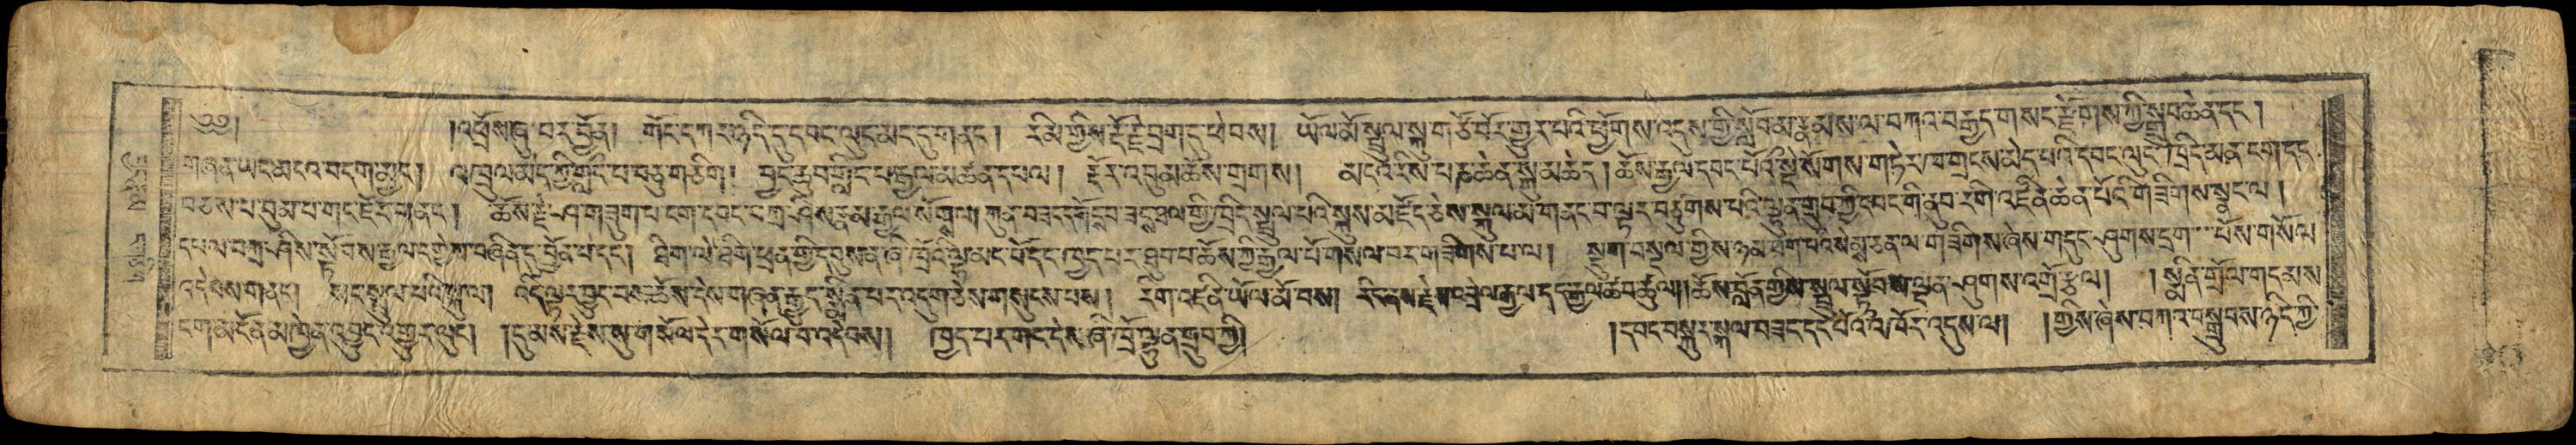༄༅། །འབྲོས་ཞུ་བར་བྱོན། གོང་དཀར་ཉིད་དུ་དབང་ལུང་མང་དུ་གནང་། རིམ་གྱིས་རྡོ་རྗེ་བྲག་དུ་ཕེབས། ཡོལ་མོ་སྦྲུལ་སྐུ་གཙོ་བོར་གྱུར་པའི་ཕྱོགས་འདུས་ཀྱི་སློབ་མ་རྣམས་ལ་བཀའ་བརྒྱད་གསང་རྫོགས་ཀྱི་སྒྲུབ་ཆེན་དང་།
གཞན་ཡང་མངའ་བདག་མྱང་། འཁྲུལ་མེད་ཀྱི་གླྀང་པ་བཅུ་གཅིག། བྱང་ཆུབ་གླིང་པ་རྒྱལ་མཚན་དཔལ། རྡོར་འབུམ་ཆོས་གྲགས། མངའ་རིས་པཎ་ཆེན་སྐུ་མཆེད། ཆོས་རྒྱལ་དབང་པོཨཱྀ་སྡེ་སོགས་གཏེར་ཁ་གྲངས་མེད་པའི་དབང་ལུང་ཁྲིད་མན་ངག་དང་
བཅས་པ་བུམ་པ་གང་ཇོར་གནང་། ཆོས་རྗེ་ཤ་གཟུག་པ་ངག་དབང་བཀྲ་ཤིས་རྣམ་རྒྱལ་སོགས་ལ། ཀུན་བཟང་དགོངས་པ་ཟངས་ཐལ་གྱི་ཁྲིད་སྤྲུལ་པའི་སྐུས་མཛོད་ཅེས་སྐུལ་མ་གནང་བ་ལྟར་བཙུགས་པའི་ལྷུན་གྲུབ་ཀྱི་དབང་གི་ནུབ་རིག་འཛིན་ཆེན་པོའི་གཟིགས་སྣང་ལ།
དཔལ་བཀྲ་ཤིས་སྟོབས་རྒྱལ་དགྱེས་བཞིན་དུ་བྱོན་པ་དང་། ཐིག་ལེ་ཐིག་ཕྲན་གྱི་དབུས་ན་ཞི་ཁྲོའི་ལྷ་མང་པོ་དང་ཁྱད་པར་ཐུབ་པ་ཆོས་ཀྱི་རྒྱལ་པོ་གསལ་བར་གཟིགས་པ་ལ། སྡུག་བསྔལ་གྱིས་ཉམ་ཐག་པའི་སེམས་ཅན་ལ་གཟིགས་ཞེས་གདུང་ཤུགས་དྲག་པོས་གསོལ་
འདེབས་གནང་། སང་སྤྲུལ་པའི་སྐུ་ལ། འདི་ལྟར་བྱུང་བས་ཆོས་དེས་གཞན་རྒྱུད་སྨིན་པར་འདུག་ཅེས་གསུངས་པས། རིག་འཛིན་ཡོལ་མོ་བས། རིང་ནས་རྗེས་འབྲལ་རྒྱལ་དང་རྒྱལ་ཚབ་ཚུལ། །ཆོས་བློན་གྱིས་སྤྲུལ་སྟོབས་ལྡན་ཤུགས་འགྲོ་རྩལ། །སྨིན་གྲོལ་གདམས་
དག་མངོན་མཁྱེན་འབྱུང་འགྱུར་ལུང་། །དུ་མས་རྗེས་སུ་གསོལ་དེར་གསོལ་བ་འདེབས། ཁྱད་པར་གང་དེས་ཞི་ཁྲོ་ལྷུན་གྲུབ་ཀྱི། །དབང་བསྐུར་སྐལ་བཟང་དང་པོཨཱྀ་འཁོར་འདུས་ལ། །གྱིས་ཞེས་བཀའ་བསྒྲུབས་ཉིད་ཀྱི་